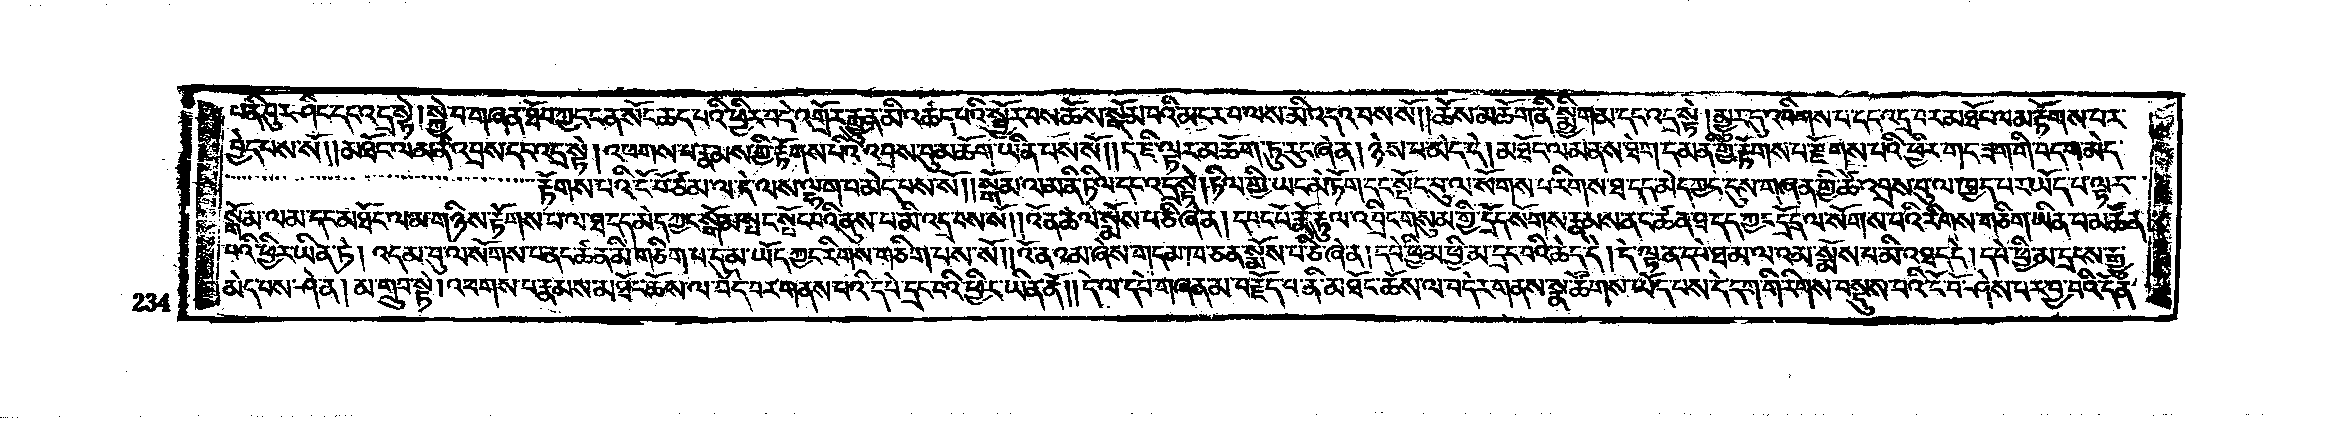པ་ནི་བུར་ཤིང་དང་འདྲ་སྟེ། སྐྱེ་བ་གཞན་ཐོབ་ཀྱང་ངན་སོང་ཆད་པའི་ཕྱིར་བདེ་འགྲོར་རྒྱུན་མི་འཆད་པའི་སྦྱོར་བས་ཆོས་སྒོམ་པའི་མངར་བ་ལས་མི་འདའ་བས་སོ། །ཆོས་མཆོག་ནི་སྨྱིག་མ་དང་འདྲ་སྟེ། མྱུར་དུ་འབིགས་པ་དང་འདྲ་བར་མཐོང་ལམ་རྟོགས་པར་
བྱེད་པས་སོ། །མཐོང་ལམ་ནི་འབྲས་དང་འདྲ་སྟེ། འཕགས་པ་རྣམས་ཀྱི་རྟོགས་པའི་འབྲས་བུ་མཆོག་ཡིན་པས་སོ། །དེ་ཇི་ལྟར་མཆོག་ཏུ་རུང་ཞེ་ན། ཉེས་པ་མེད་དེ། མཐོང་ལམ་ནས་ཐེག་དམན་གྱི་རྟོགས་པ་རྫོགས་པའི་ཕྱིར་གང་ཟག་གི་བདག་མེད་
རྟོགས་པའི་ངོ་བོ་ཙམ་ལ་དེ་ལས་ལྷག་པ་མེད་པས་སོ། །སྒོམ་ལམ་ནི་ཏིལ་དང་འདྲ་སྟེ། ཏིལ་གྱི་ཡང་མེ་ཏོག་དང་སྡོང་བུ་ལ་སོགས་པ་རིགས་ཐ་དད་མེད་ཀྱང་དུས་གཞན་གྱི་ཚེ་འབྲས་བུ་ལ་ཁྱད་པར་ཡོད་པ་ལྟར་
སྒོམ་ལམ་དང་མཐོང་ལམ་གཉིས་རྟོགས་པ་ལ་ཐ་དད་མེད་ཀྱང་སྒོམ་སྤང་སྤོང་བའི་ནུས་པ་མི་འདྲ་བས་སོ། །འོ་ན་ཆེ་ལ་སྨོས་པ་ཅི་ཞེ་ན། དབང་པོ་རྣོ་རྟུལ་འབྲིང་གསུམ་གྱི་དྲོད་སོགས་རྣམས་ནང་ཚན་ཐ་དད་ཀྱང་དྲོད་ལ་སོགས་པའི་རིགས་གཅིག་ཡིན་པ་མཚོན་
པའི་ཕྱིར་ཡིན་ཏེ། འདམ་བུ་ལ་སོགས་པ་ནང་ཚན་མི་གཅིག་པ་དུ་མ་ཡོད་ཀྱང་རིགས་གཅིག་པས་སོ། །འོ་ན་འམ་ཞེས་གདམ་ཁ་ཅན་སྨོས་པ་ཅི་ཞེ་ན། དཔེ་ཕྱི་མ་ཕྱི་མ་དྲང་བའི་ཆེད་དེ། དེ་ལྟ་ན་དཔེ་ཐ་མ་ལ་འམ་སྨོས་པ་མི་འཐད་དེ། དཔེ་ཕྱི་མ་དྲངས་རྒྱུ་
མེད་པས་ཤེ་ན། མ་གྲུབ་སྟེ། འཕགས་པ་རྣམས་མཐོང་ཆོས་ལ་བདེ་བར་གནས་པའི་དཔེ་དྲང་བའི་ཕྱིར་ཡིན་ནོ། །དེ་ལ་དཔེ་གཞན་མ་བརྗོད་པ་ནི་མཐོང་ཆོས་ལ་བདེར་གནས་སྣ་ཚོགས་ཡོད་པས་དེ་དག་གི་རིགས་བསྡུས་པའི་ངོ་བོ་ཤེས་པར་བྱ་བའི་དོན་